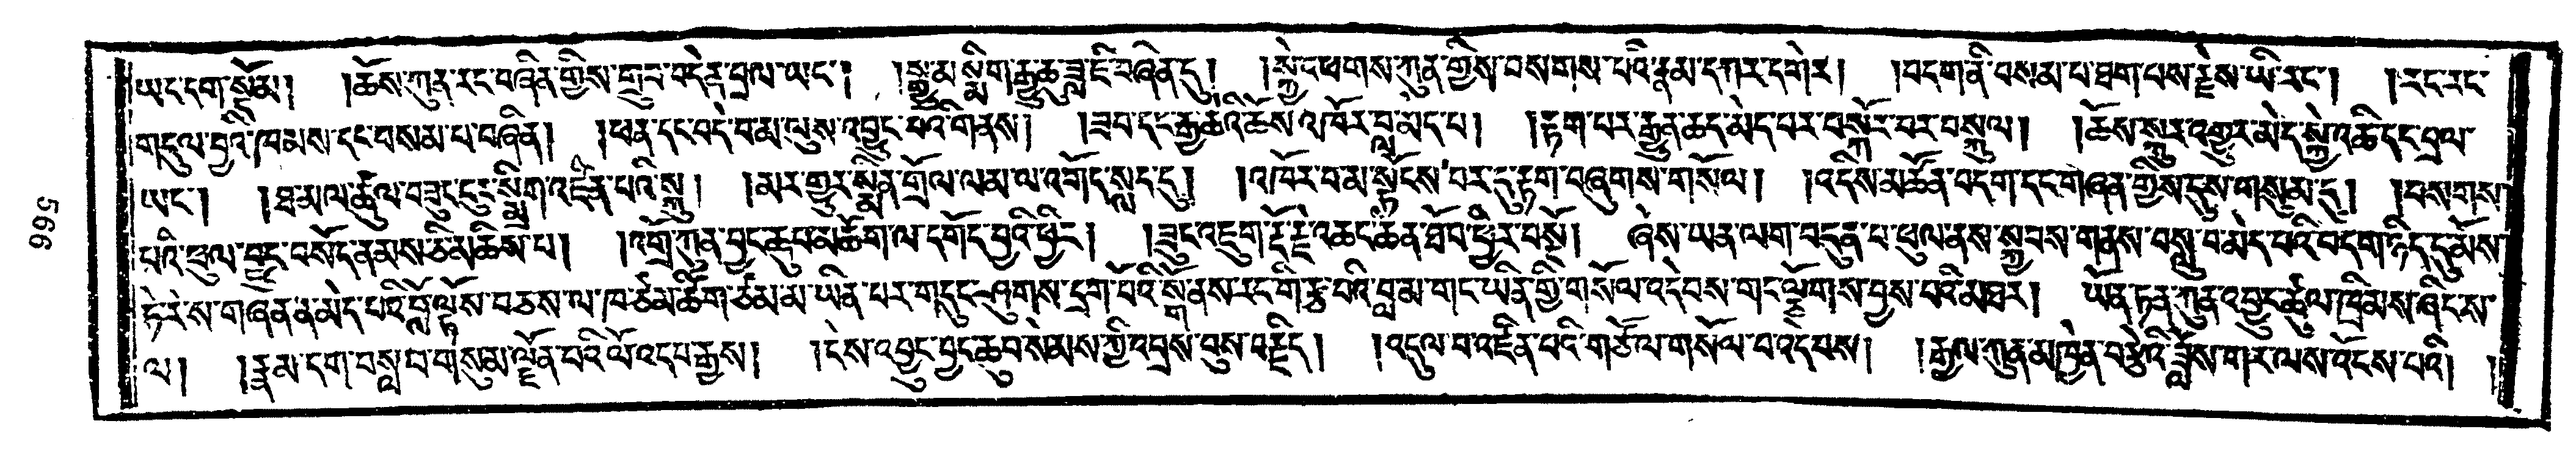ཡང་དག་སྡོམ། །ཆོས་ཀུན་རང་བཞིན་གྱིས་གྲུབ་བདེན་བྲལ་ཡང་། །སྒྱུ་མ་སྨིག་རྒྱུ་ཆུ་ཟླ་ཇི་བཞིན་དུ། །སྐྱེ་འཕགས་ཀུན་གྱིས་བསགས་པའི་རྣམ་དཀར་དགེར། །བདག་ནི་བསམ་པ་ཐག་པས་རྗེས་ཡི་རང་། །རང་རང་
གདུལ་བྱའི་ཁམས་དང་བསམ་པ་བཞིན། །ཕན་དང་བདེ་བ་མ་ལུས་འབྱུང་བའི་གནས། །ཟབ་དང་རྒྱ་ཆེའི་ཆོས་འཁོར་བླ་མེད་པ། །རྟག་པར་རྒྱུན་ཆད་མེད་པར་བསྐོར་བར་བསྐུལ། །ཆོས་སྐུར་འགྱུར་མེད་སྐྱེ་འཆི་དང་བྲལ་
ཡང་། །ཐ་མལ་ཚུལ་བཟུང་ངུར་སྨྲིག་འཛིན་པའི་སྐུ། །མར་གྱུར་སྨིན་གྲོལ་ལམ་ལ་འགོད་སླད་དུ། །འཁོར་བ་མ་སྟོངས་པར་དུ་རྟག་བཞུགས་གསོལ། །འདིས་མཚོན་བདག་དང་གཞན་གྱིས་དུས་གསུམ་དུ། །བསགས་
པའི་ཕུལ་བྱུང་བསོད་ནམས་ཅི་མཆིས་པ། །འགྲོ་ཀུན་བྱང་ཆུབ་མཆོག་ལ་དགོད་བྱའི་ཕྱིར། །ཟུང་འཇུག་རྡོ་རྗེ་འཆང་ཆེན་ཐོབ་ཕྱིར་བསྔོ། ཞེས་ཡན་ལག་བདུན་པ་ཕུལ་ནས་སྐྱབས་གནས་བསླུ་བ་མེད་པའི་བདག་ཉིད་དུ་མོས་
ཏེ་ར་ས་གཞན་ན་མེད་པའི་བློ་ལྟོས་བཅས་ལ་ཁ་ཙམ་ཚིག་ཙམ་མ་ཡིན་པར་གདུང་ཤུགས་དྲག་པོའི་སྒོ་ནས་རང་གི་རྩ་བའི་བླ་མ་གང་ཡིན་གྱི་གསོལ་འདེབས་གང་ལྕོགས་བྱས་པའི་མཐར། ཡོན་ཏན་ཀུན་འབྱུང་ཚུལ་ཁྲིམས་ཞིང་ས་
ལ། །རྣམ་དག་བསླབ་གསུམ་ལྗོན་པའི་ལོ་འདབ་རྒྱས། །ངེས་འབྱུང་བྱང་ཆུབ་སེམས་ཀྱི་འབྲས་བུས་བརྗིད། །འདུལ་བ་འཛིན་པའི་གཙོལ་གསོལ་བ་འདེབས། །རྒྱལ་ཀུན་མཁྱེན་བརྩེའི་ཟློས་གར་ལས་འོངས་པའི།།